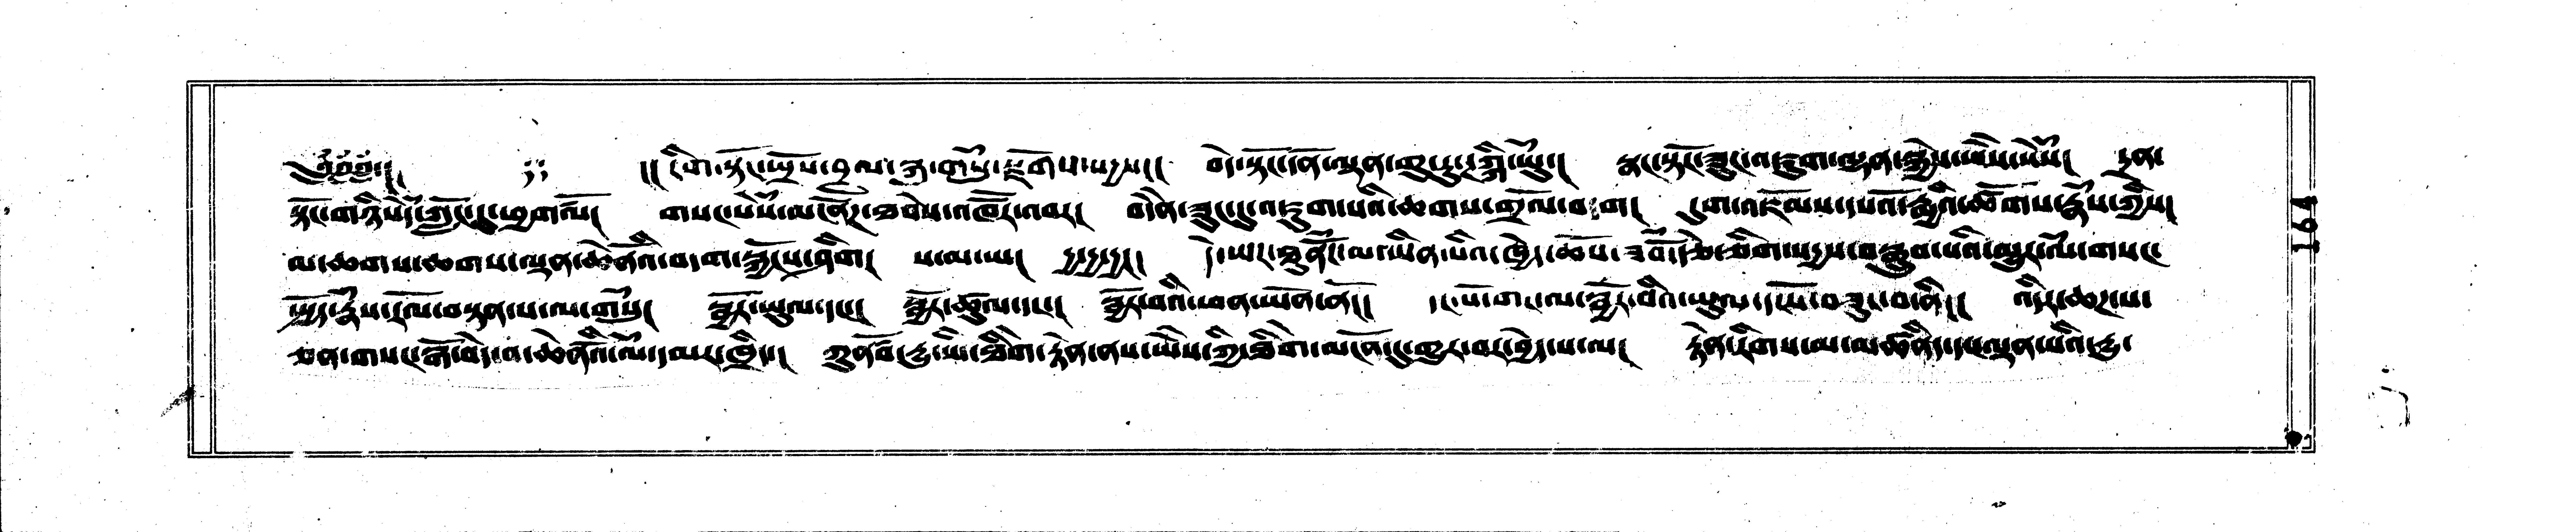༄༅།། །།རིག་སྟོང་སྤྲོས་བྲལ་སྐུ་གསུམ་རྫོགས་སངས་རྒྱས། །བདེ་སྟོང་དོན་ལྡན་གུ་རུ་ཌཱཀྐི་ཡུམ། །སྣང་སྟོང་ཟུང་འཇུག་ལྷན་སྐྱེས་ཡེ་ཤེས་སེམས། །དྲན་
སྟོང་གཉིས་མེད་ཀློང་དུ་ཕྱག་འཚལ་ལོ། །གསང་སེམས་མངོན་རྟོགས་ཐབས་ཤེས་འཁོར་ལོ་འབར། །བདེ་ཆེན་ཟུང་དུ་འཇུག་པའི་ཆགས་གྲོལ་བདག །དུག་འཇོམས་དཔའ་བོ་རྒྱ་
མཚོའི་ཚོགས་རྣམས་ཀྱིས། །མ་ཆགས་ཆགས་ལྡན་ཆེན་པོའི་བདག་སྐྱོངས་ཤིག །ས་མ་ཡ། རྒྱ་རྒྱ་རྒྱ། །དེ་ཡང་ཐུན་མོང་མ་ཡིན་པའི་ཁྱད་ཆོས་ཟབ་མོ་རྩེ་གཅིག་སངས་རྒྱས་བསྒྲུབ་པའི་མྱུར་ལམ། གསང་
སྤྱོད་རྣམ་རོལ་བསྟན་པ་ལ་གསུམ། སྦྱོར་ཡུལ་དང་། སྦྱོར་ཚུལ་དང་། སྦྱོར་བའི་ཕན་ཡོན་ནོ། །དང་པོ་གང་ལ་སྦྱོར་བའི་ཡུལ་ངོས་བཟུང་བ་ནི། འདིར་ཆགས་པ་
ཅན་གསང་སྒོ་བདེ་བ་ཆེན་པོའི་ལམ་དམར་ཁྲིད། ཀུན་རྫོབ་རྒྱུ་ཡི་ཐིག་ལེ་ལ་བརྟེན་ནས་ཡེ་ཤེས་ཀྱི་ཐིག་ལེ་མངོན་དུ་གྱུར་པར་བྱེད་པ་ལ། རྟེན་རིག་མ་མཚན་ཉིད་དང་ལྡན་པའི་རྒྱུ་